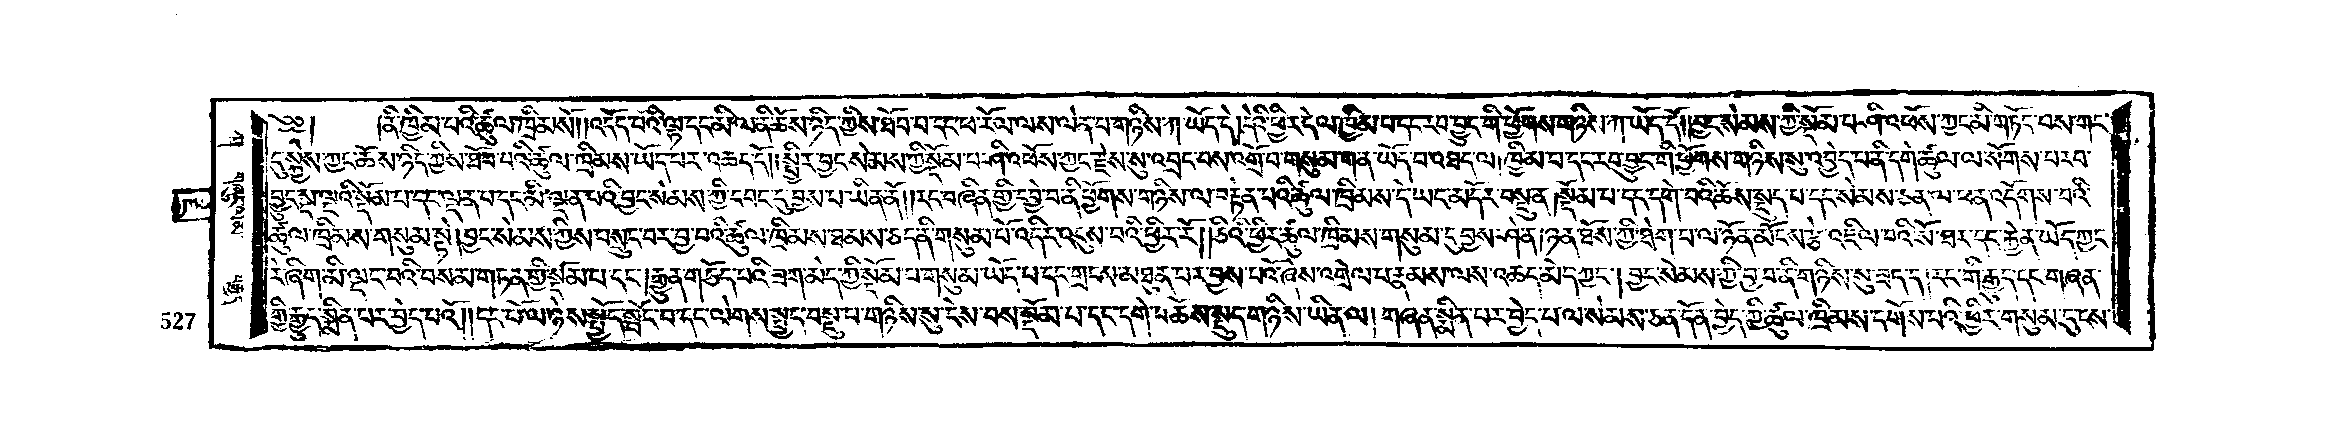༄༅། །ནི་ཁྱིམ་པའི་ཚུལ་ཁྲིམས་སོ། །འདོད་པའི་ལྷ་དང་མི་ལ་ནི་ཆོས་ཉིད་ཀྱིས་ཐོབ་པ་དང་ཕ་རོལ་ལས་ལེན་པ་གཉིས་ཀ་ཡོད་དེ། དེའི་ཕྱིར་དེ་ལ་ཁྱིམ་པ་དང་རབ་བྱུང་གི་ཕྱོགས་གཉིས་ཀ་ཡོད་དོ། །བྱང་སེམས་ཀྱི་སྡོམ་པ་ཤི་འཕོས་ཀྱང་མི་གཏོང་བས་གང་
དུ་སྐྱེས་ཀྱང་ཆོས་ཉིད་ཀྱིས་ཐོབ་པའི་ཚུལ་ཁྲིམས་ཡོད་པར་འཆད་དོ། །སྤྱིར་བྱང་སེམས་ཀྱི་སྡོམ་པ་ཤི་འཕོས་ཀྱང་རྗེས་སུ་འབྲང་བས་འགྲོ་བ་གསུམ་ག་ན་ཡོད་པ་འཐད་ལ། ཁྱིམ་པ་དང་རབ་བྱུང་གི་ཕྱོགས་གཉིས་སུ་འབྱེད་པ་ནི་དགེ་ཚུལ་ལ་སོགས་པ་རབ་
བྱུང་སྔ་ལྔའི་སྡོམ་པ་དང་ལྡན་པ་དང་མི་ལྡན་པའི་བྱང་སེམས་ཀྱི་དབང་དུ་བྱས་པ་ཡིན་ནོ། །རང་བཞིན་གྱི་དབྱེ་བ་ནི་ཕྱོགས་གཉིས་ལ་བརྟེན་པའི་ཚུལ་ཁྲིམས་དེ་ཡང་མདོར་བསྡུ་ན། སྡོམ་པ་དང་དགེ་བའི་ཆོས་སྡུད་པ་དང་སེམས་ཅན་ལ་ཕན་འདོགས་པའི་
ཚུལ་ཁྲིམས་གསུམ་སྟེ། བྱང་སེམས་ཀྱིས་བསྲུང་བར་བྱ་བའི་ཚུལ་ཁྲིམས་ཐམས་ཅད་ནི་གསུམ་པོ་འདིར་འདུས་བའི་ཕྱིར་རོ། །ཅིའི་ཕྱིར་ཚུལ་ཁྲིམས་གསུམ་དུ་བྱས་ཤེ་ན། ཉན་ཐོས་ཀྱི་ཐེག་པ་ལ་ཉོན་མོངས་རྩེ་འཇིལ་བའི་སོ་ཐར་དང་རྐྱེན་ཡོད་ཀྱང་
རེ་ཞིག་མི་ལྡང་བའི་བསམ་གཏན་གྱི་སྡོམ་པ་དང་། རྒྱུན་གཅོད་པའི་ཟག་མེད་ཀྱི་སྡོམ་པ་གསུམ་ཡོད་པ་དང་གྲངས་མཐུན་པར་བྱས་པའོ་ཞེས་འགྲེལ་པ་རྣམས་ལས་འཆད་མེད་ཀྱང་། བྱང་སེམས་ཀྱི་བྱ་བ་ནི་གཉིས་སུ་ཟད་དེ། རང་གི་རྒྱུད་དང་གཞན་
གྱི་རྒྱུད་སྨིན་པར་བྱེད་པའོ། །དང་པོ་ལ་ཉེས་སྤྱོད་སྤོང་བ་དང་ལེགས་སྤྱད་བསྡུ་བ་གཉིས་སུ་ངེས་བས་སྡོམ་པ་དང་དགེ་བ་ཆོས་སྡུད་གཉིས་ཡིན་ལ། གཞན་སྨིན་པར་བྱེད་པ་ལ་སེམས་ཅན་དོན་བྱེད་ཀྱི་ཚུལ་ཁྲིམས་དགོས་པའི་ཕྱིར་གསུམ་དུ་ངས་